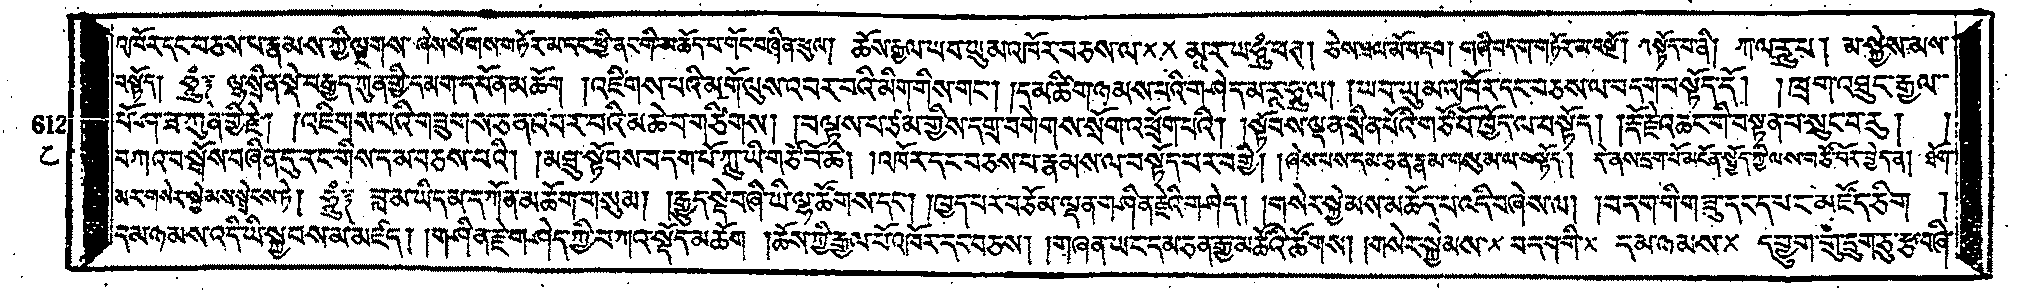འཁོར་དང་བཅས་པ་རྣམས་ཀྱི་ལྗགས་ཞེས་སོགས་གཏོར་མ་དང་ཕྱི་ནང་གི་མཆོད་པ་གོང་བཞིན་ཕུལ།  ཆོས་རྒྱལ་ཡབ་ཡུམ་འཁོར་བཅས་ལ་྾྾་མཱ་ར་ཡ་ཧཱུཾ་ཕཊ། ཅེས་ཐལ་མོ་བརྡབ། གཞི་བདག་གཏོར་མ་བསྔོ། བསྟོད་པ་ནི།  ཀ་ལ་རཱུ་པ། མ་སྐྱེས་མས་
བསྟོད། ཧཱུཾ༑ ལྷ་སྲིན་སྡེ་བརྒྱད་ཀུན་གྱི་དམག་དཔོན་མཆོག །འཇིགས་པའི་མགོ་ལུས་འབར་བའི་མིག་གིས་གང་། །དམ་ཚིག་ཉམས་པའི་གཤེད་མ་རཱ་ཧཱུ་ལ། །ཡབ་ཡུམ་འཁོར་དང་བཅས་ལ་བདག་བསྟོད་དོ། །ཁྲག་འཐུང་རྒྱལ་་་
པོ་ཤ་ཟ་ཀུན་གྱི་རྗེ། །འཇིགས་པའི་གཟུགས་ཅན་འབར་བའི་མཆེ་བ་གཙིགས། །བལྟས་པ་ཙམ་གྱིས་དགྲ་བགེགས་སྲོག་འཕྲོག་པའི། །སྟོབས་ལྡན་སྲིན་པོའི་གཙོ་བོ་ཁྱོད་ལ་བསྟོད། །རྡོ་རྗེ་འཆང་གི་བསྟན་པ་སྲུང་བ་རུ། །
བཀའ་བསྒོས་བཞིན་དུ་རང་གིས་དམ་བཅས་པའི། །མཐུ་སྟོབས་བདག་པོ་ཀླུ་ཡི་གཙོ་བོ་ཆེ། །འཁོར་དང་བཅས་པ་རྣམས་ལ་བསྟོད་པར་བགྱི། །ཞེས་པས་དམ་ཅན་རྣམ་གསུམ་ལ་བསྟོད། དེ་ནས་དྲག་པོ་མངོན་སྤྱོད་ཀྱི་ལས་གཙོ་བོར་བྱེད་ན། ཐོག་
མར་གསེར་སྐྱེམས་སྦྲེངས་ཏེ། ཧཱུཾ༑ བླ་མ་ཡི་དམ་དཀོན་མཆོག་གསུམ། །རྒྱུད་སྡེ་བཞི་ཡི་ལྷ་ཚོགས་དང་། །ཁྱད་པར་བཅོམ་ལྡན་གཤིན་རྗེའི་གཤེད། །གསེར་སྐྱེམས་མཆོད་པ་འདི་བཞེས་ལ། །བདག་གི་གཟུ་དང་དཔང་མཛོད་ཅིག །
དམ་ཉམས་འདི་ཡི་སྐྱབས་མ་མཛད། །གཤིན་རྗེ་གཤེད་ཀྱི་བཀའ་སྡོད་མཆོག །ཆོས་ཀྱི་རྒྱལ་པོ་འཁོར་དང་བཅས། །གཞན་ཡང་དམ་ཅན་རྒྱ་མཚོའི་ཚོགས། །གསེར་སྐྱེམས་྾་བདག་གི་྾་དམ་ཉམས་྾་དབྱུག་གུ་དྲུག་ཅུ་རྩ་བཞི་